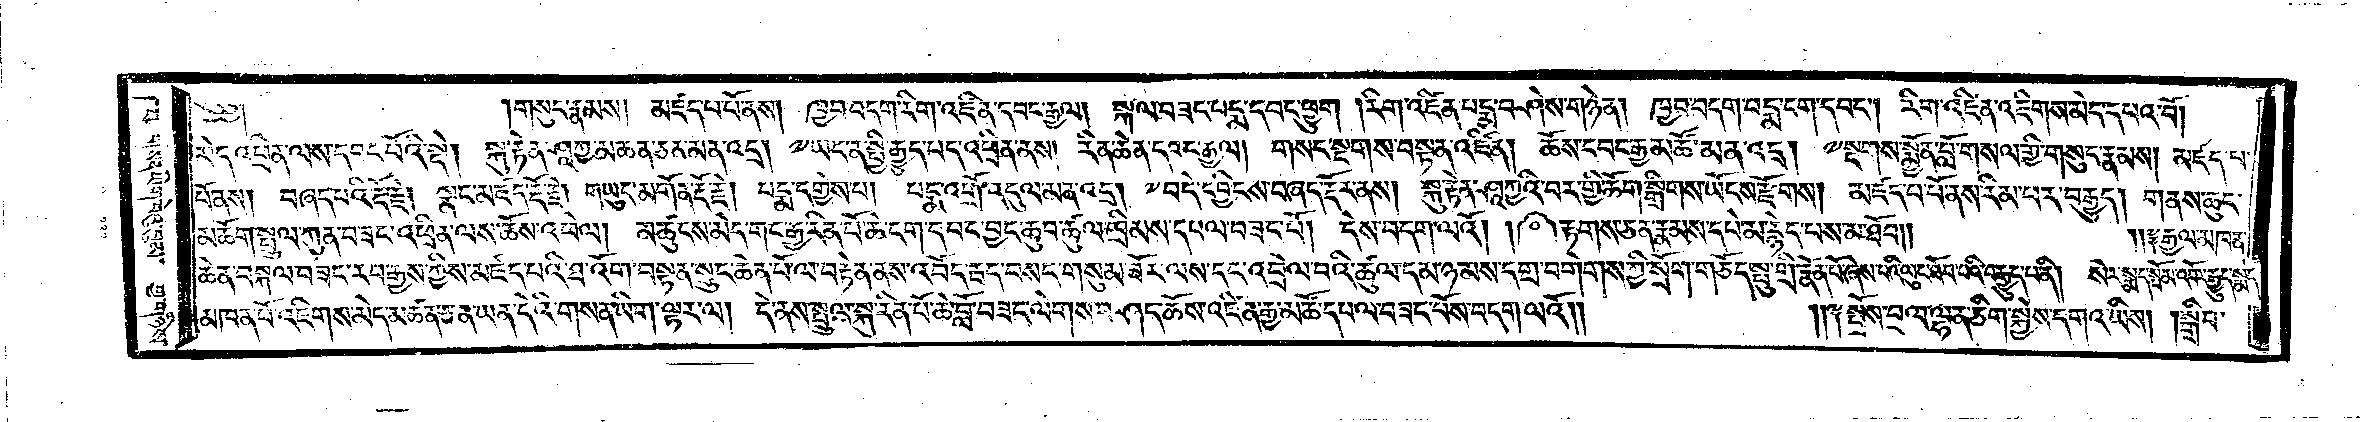༄༅། །གསུང་རྣམས། མཛད་པ་པོ་ནས། ཁྱབ་བདག་རིག་འཛིན་དབང་རྒྱལ། སྐལ་བཟང་པདམ་དབང་ཕྱུག །རིག་འཛིན་པདམ་བཤེས་གཉེན། ཁྱབ་བདག་པདམ་ངག་དབང་། རིག་འཛིན་འཇིགས་མཛད་པ་མེད་དཔའ་བོ།
མེད་འཕྲིན་ལས་དབང་པོའི་སྡེ། སྐུ་རྟེན་ཤཱཀྱ་མཆན་ཅན་མན་འདྲ། ༧ཡང་ན་སྤྱི་རྒྱུད་པད་འཕྲིན་ནས། རིན་ཆེན་དབང་རྒྱལ། གསང་སྔགས་བསྟན་འཛིན། ཆོས་དབང་རྒྱ་མཚོ་མན་འདྲ། ༧སྔགས་སྨྱོན་བློ་གསལ་གྱི་གསུང་རྣམས།
པོ་ནས། བཞད་པའི་རྡོ་རྗེ། སྣང་མཛད་རྡོ་རྗེ། གཡུང་མགོན་རྡོ་རྗེ། པདམ་དགྱེས་པ། པདམ་འགྲོ་འདུལ་མན་འདྲ། ༧བདེ་དབྱིངས་བཞད་རྡོར་ནས། སྐུ་རྟེན་ཤཱཀྱའི་བར་གྱི་ཆོག་སྒྲིགས་ཡོངས་རྫོགས། མཛད་པ་པོ་ནས་རིམ་པར་བརྒྱུད། གནས་ཆུང་
མཆོག་སྤྲུལ་ཀུན་བཟང་འཕྲིན་ལས་ཆོས་འཕེལ། མཚུངས་མེད་གང་རྒྱ་རིན་པོ་ཆེ་ངག་དབང་བྱང་ཆུབ་ཚུལ་ཁྲིམས་དཔལ་བཟང་པོ། དེས་བདག་ལའོ། །༼྾༽ རྟགས་ཅན་རྣམས་དཔེ་མ་རྙེད་པས་མ་ཐོབ།། །།༈ རྒྱལ་མཁན་
ཆེན་བསྐལ་བཟང་རབ་རྒྱས་ཀྱིས་མཛད་པའི་ཐ་འོག་བསྟན་སྲུང་ཆེན་པོ་ལ་བརྟེན་ནས་འབོད་རྦད་བསད་གསུམ་ཟོར་ལས་དང་འབྲེལ་བའི་ཚུལ་དམ་ཉམས་དགྲ་བགེགས་ཀྱི་སྲོག་གཅོད་སྤུ་གྲི་རྣོན་པོ་ཞེས་པའི་ལུང་ཐོབ་པའི་བརྒྱུད་པ་ནི། སེར་སྨད་སྤོམ་འབོར་རྒྱུད་སྨད་
མཁན་པོ་འཇིགས་མེད་མཚན་ཅན་ཡན་དེའི་གསན་ཡིག་ལྟར་ལ། དེ་ནས་སྤྲུལ་སྐུ་རིན་པོ་ཆེ་བློ་བཟང་ལེགས་བཤད་ཆོས་འཛིན་རྒྱ་མཚོ་དཔལ་བཟང་པོས་བདག་ལའོ།། །།༈ སྤྲོས་བྲལ་ལྷན་ཅིག་སྐྱེས་དགའ་ཡིས། །སྒྲིབ་